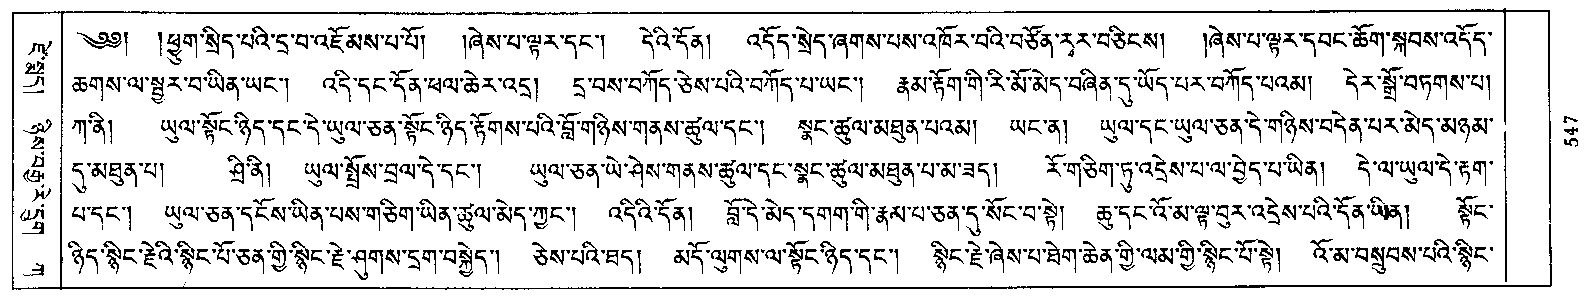༄༅། །ཕྱུག་སྲིད་པའི་དྲ་བ་འཇོམས་པ་པོ། །ཞེས་པ་ལྟར་དང་། དེའི་དོན། འདོད་སྲེད་ཞགས་པས་འཁོར་བའི་བཙོན་རྭར་བཅིངས། །ཞེས་པ་ལྟར་དབང་ཆོག་སྐབས་འདོད་
ཆགས་ལ་སྦྱར་བ་ཡིན་ཡང་། འདི་དང་དོན་ཕལ་ཆེར་འདྲ། དྲ་བས་བཀོད་ཅེས་པའི་བཀོད་པ་ཡང་། རྣམ་རྟོག་གི་རི་མོ་མེད་བཞིན་དུ་ཡོད་པར་བཀོད་པའམ། དེར་སྒྲོ་བཏགས་པ།
ཀ་ནི། ཡུལ་སྟོང་ཉིད་དང་དེ་ཡུལ་ཅན་སྟོང་ཉིད་རྟོགས་པའི་བློ་གཉིས་གནས་ཚུལ་དང་། སྣང་ཚུལ་མཐུན་པའམ། ཡང་ན། ཡུལ་དང་ཡུལ་ཅན་དེ་གཉིས་བདེན་པར་མེད་མཉམ་
དུ་མཐུན་པ། ཤྲི་ནི། ཡུལ་སྤྲོས་བྲལ་དེ་དང་། ཡུལ་ཅན་ཡེ་ཤེས་གནས་ཚུལ་དང་སྣང་ཚུལ་མཐུན་པ་མ་ཟད། རོ་གཅིག་ཏུ་འདྲེས་པ་ལ་བྱེད་པ་ཡིན། དེ་ལ་ཡུལ་དེ་རྟག་
པ་དང་། ཡུལ་ཅན་དངོས་ཡིན་པས་གཅིག་ཡིན་ཚུལ་མེད་ཀྱང་། འདིའི་དོན། བློ་དེ་མེད་དགག་གི་རྣམ་པ་ཅན་དུ་སོང་བ་སྟེ། ཆུ་དང་འོ་མ་ལྟ་བུར་འདྲེས་པའི་དོན་ཡིན། སྟོང་
ཉིད་སྙིང་རྗེའི་སྙིང་པོ་ཅན་གྱི་སྙིང་རྗེ་ཤུགས་དྲག་བསྐྱེད། ཅེས་པའི་ཐད། མདོ་ལུགས་ལ་སྟོང་ཉིད་དང་། སྙིང་རྗེ་ཞེས་པ་ཐེག་ཆེན་གྱི་ལམ་གྱི་སྙིང་པོ་སྟེ། འོ་མ་བསྲུབས་པའི་སྙིང་